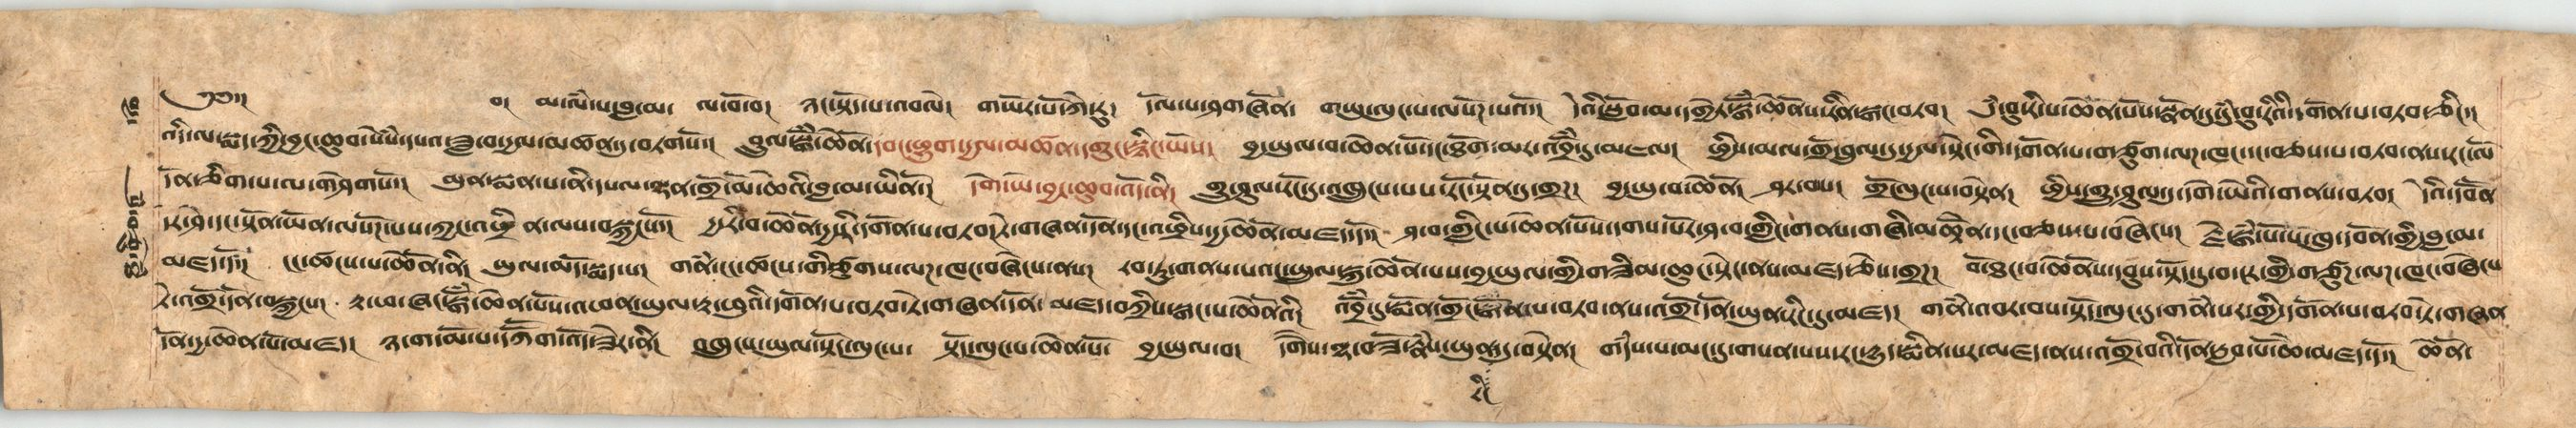མ་ལཾ་པ་བླ་མ་ ལ་བོ་བ། ཉང་སྟོད་པ་འབེལ། གཡོར་པོ་ཀེ་རུ། དོལ་པ་ཤག་ཞོན་ གཡུ་ལུང་པ་ལསོཌ་པའོ་། དེའི་སློབ་མ་དགྱེར་སྒོཾ་ཆེནོས་རིནེ་སྒང་བཏབ། དུཾ་བུ་རི་པ་ཆེན་པོས་སྣོན་དུ་དུཾ་བུ་རིནི་དགོན་པ་བཏབ་ཅིང་།
འདི་ལ་སྨད་ཀྱི་བྱང་ཆུབ་སེཾས་དཔའ་ཟླ་བ་དྱལ་མཚན་དུ་བཏགསོ་། བྲུལ་སྒོཾ་ཆེནོ་དབང་ཕྱུག་དྱལ་མཚན་དགུང་སྙིང་ཡོས། བྱ་ཡུལ་བ་ཆེན་པོ་དང་ཐོག་མར་འབྲོཾ་དུ་མཇལ། ཕྱིས་མལ་གྲོ་བྲུལ་དུ་དྱལ་སྟེང་གི་དགོན་པ་གཙུག་ལཌ་ཁང་དང་བཅས་པ་བཏབ་ནས་རང་ལོ
དོན་ཅིག་པ་ལ་གཤེགསོ་། མུན་སྨན་པ་ནི་དཔལ་ལྡན་གྲོ་མོ་ཆེའི་བླ་མ་ཡིནོ་། དགེ་ཡེ་བྱང་ཆུབ་འོད་ནི། གྲུ་ཤུལ་རོང་དུ་འཁྲུངས་པས་རོང་སྟོན་དུ་གྲཌ། བྱ་ཡུལ་བ་ཆེནོ། ཤར་བས། གྲོ་ལུང་པ་བསྟེན། ཕྱིས་གྲུ་ཤུལ་དུ་དགེ་ཡེའི་གནས་བཏབ། དེའི་དབཽན
དར་ཤེ་དང་སྟོན་ཡོན་ལསོཌ་པས་ཀྱང་འཕྲིན་ལས་བསྐྱངསོ་། དྱ་རི་བ་ཆེནོ་དྱ་རི་དགོན་པ་བཏབ་ཏེ་གཞན་དོན་དང་འཕྲིས་དྱ་ཆེནོ་མཛད་དོ་། ཤ་བ་གླིང་པ་ཆེན་པོས་དགས་པོར་ཤ་བ་གླིང་གནས་གཞི་མཆྟོནེ་དང་བཅས་པ་བཞེངས། རྗེ་སྒཾ་པོ་པ་ཁུ་དབོན་གྱི་བླ་མ་
མཛད་དོ་། ངང་ཚངས་པ་ཆེནོ་ནི། ཡུལ་མདོ་སྨད་པ། གནཾ་ངང་ཚངས་གིཙུགས་ལཌ་ཁང་བཞེངས་ནས། རབ་ཏུ་གནས་པའང་སྤྲུལ་སྐུ་ཆེནོ་པས་བྱ་ཡུལ་གྱི་གཟིམ་ཆུང་སྟེང་ནས་མཛད་ཅེས་གྲཌ། བོ་ཐང་བ་ཆེནོས་དབུས་སྟོད་དུ་བ་ངར་གྱི་གཙུཌ་ལཌ་ཁང་བཞེངས
ཏེ་འགྲོ་དོན་བསྐྱངས། རྟ་ཕ་ཞང་སྒོཾ་ཆེན་པོས་འཕན་ཡུལ་རྟ་ཕུའི་དགོན་པ་བཏབ་ཏེ་གཞན་དོན་མཛད་བཀྲིས་སྒང་པ་ཆེནོའི། འབྲོཾ་དུ་སྨོན་གྲོང་སྒོན་པ་བཏབ་ནས་འགྲོ་དོན་ཡུན་རིང་དུ་མཛད། གནཾ་འབར་བས་སྟོད་ལུང་དུ་གནཾ་སར་གྱི་དགོན་པ་བཏབ་ཏེ་གཞན
དོན་དྱ་ཆེན་པོ་མཛད། ཉ་ག་མོ་པ་དཀཽག་འོད་ཟེར་ནི། འཁྲུངས་ཡུལ་སྟོད་ལུང་པ་ སྟོད་ལུང་པ་ཆེན་པོ་ བྱ་ཡུལ་བ། དགཻས་ལྷ་བཟོ་རྣཾས་ཡུན་དུ་བསྟེན། གདཾས་པ་མང་དུ་གསན་པས་རང་དྱུད་སྨིན་པར་མཛད་ནས་འགྲོ་བའི་དོན་རླབ་པོ་ཆེ་མཛད་དོ་། ཆེནོ་